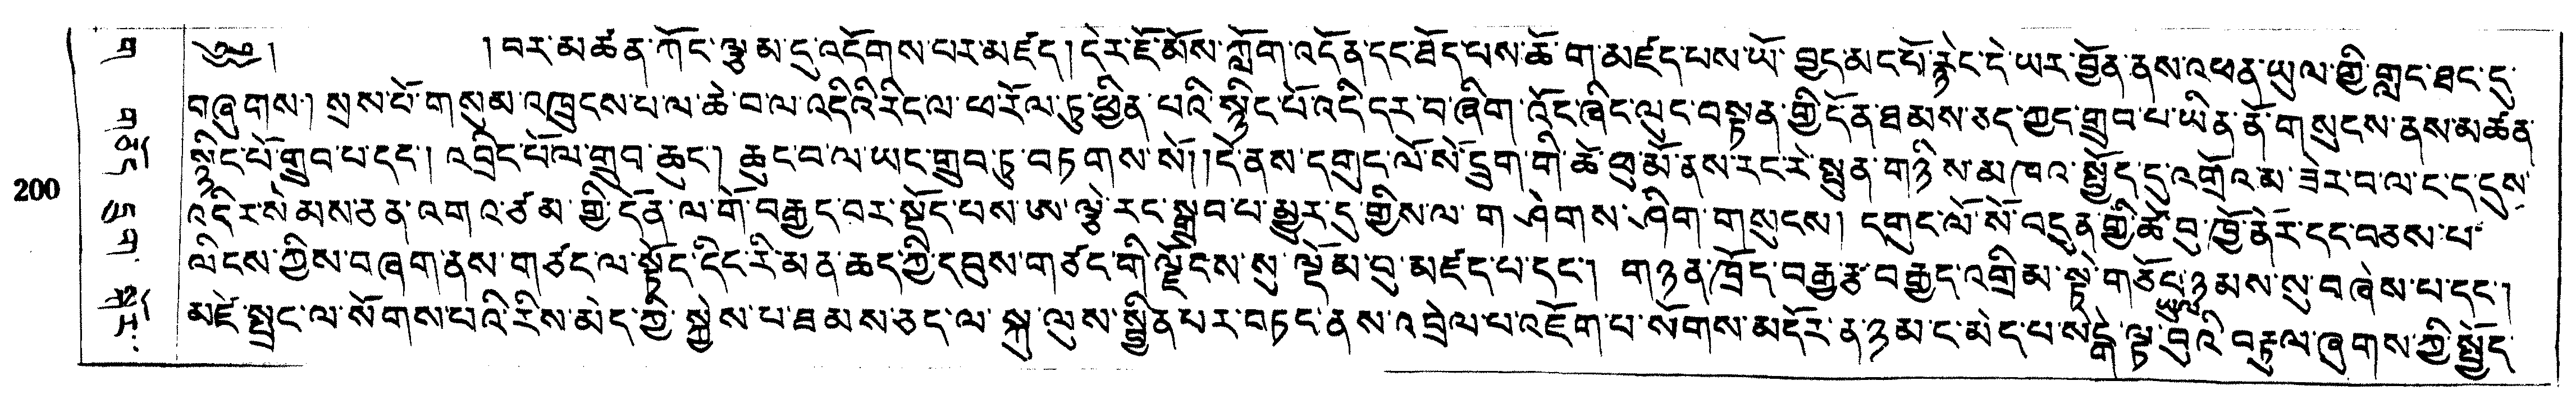༄༅། །བར་མཚན་ཀོང་ལྕམ་དུ་འདོགས་པར་མཛད། དེར་ཇོ་མོས་ཀློག་འདོན་དང་ཐོད་པས་ཆོ་ག་མཛད་པས་ཡོ་བྱད་མང་པོ་རྙེང་དེ་ཡར་བྱོན་ནས་འཕན་ཡུལ་གྱི་གླང་ཐང་དུ་
བཞུགས། སྲས་པོ་གསུམ་འཁྲུངས་པ་ལ་ཆེ་བ་ལ་འདིའི་རིང་ལ་ཕ་རོལ་ཏུ་ཕྱིན་པའི་སྙིང་པོ་འདི་དར་བ་ཞིག་འོང་ཞིང་ལུང་བསྟན་གྱི་དོན་ཐམས་ཅད་ཀྱང་གྲུབ་པ་ཡིན་ནོ་གསུངས་ནས་མཚན་
སྙིང་པོ་གྲུབ་པ་དང་། འབྲིང་པོ་ལ་གྲུབ་ཆུང་། ཆུང་བ་ལ་ཡང་གྲུབ་ཏུ་བཏགས་སོ། །དེ་ནས་དགུང་ལོ་སོ་དྲུག་གི་ཚེ་ཕུ་མོ་ནས་རང་རེ་སྤུན་གཉིས་མཁའ་སྤྱོད་དུ་འགྲོའམ་ཟེར་བ་ལ་ང་ད་དུས་
འདིར་སེམས་ཅན་འགའ་ཙམ་གྱི་དོན་ལ་གོ་བརྒྱད་བར་སྡོད་པས་ཨ་ལྕེ་རང་སྒྲུབ་པ་མྱུར་དུ་གྱིས་ལ་གཤེགས་ཤིག་གསུངས། དགུང་ལོ་སོ་བདུན་གྱི་ཚེ་བུ་ཁྱོ་ནོར་དང་བཅས་པ་
ལིངས་ཀྱིས་བཞག་ནས་གཙང་ལ་སྟོད་དིང་རི་མན་ཆད་ཀྱི་དབུས་གཙང་གི་ལྗོངས་སུ་ལྡོམ་བུ་མཛད་པ་དང་། གཉན་ཁྲོད་བརྒྱ་རྩ་བརྒྱད་འགྲིམ་སྟེ་གཅོང་ཡུལ་ཉམས་སུ་བཞེས་པ་དང་།
མཛེ་སྤྲང་ལ་སོགས་པའི་རིས་མེད་ཀྱི་སྐྱེས་པ་ཐམས་ཅད་ལ་སྐུ་ལུས་སྦྱིན་པར་བཏང་ནས་འབྲེལ་པ་འཇོག་པ་སོགས་མདོར་ན་ཉམ་ང་མེད་པ་སེངྒེ་ལྟ་བུའི་བརྟུལ་ཞུགས་ཀྱི་སྤྱོད་